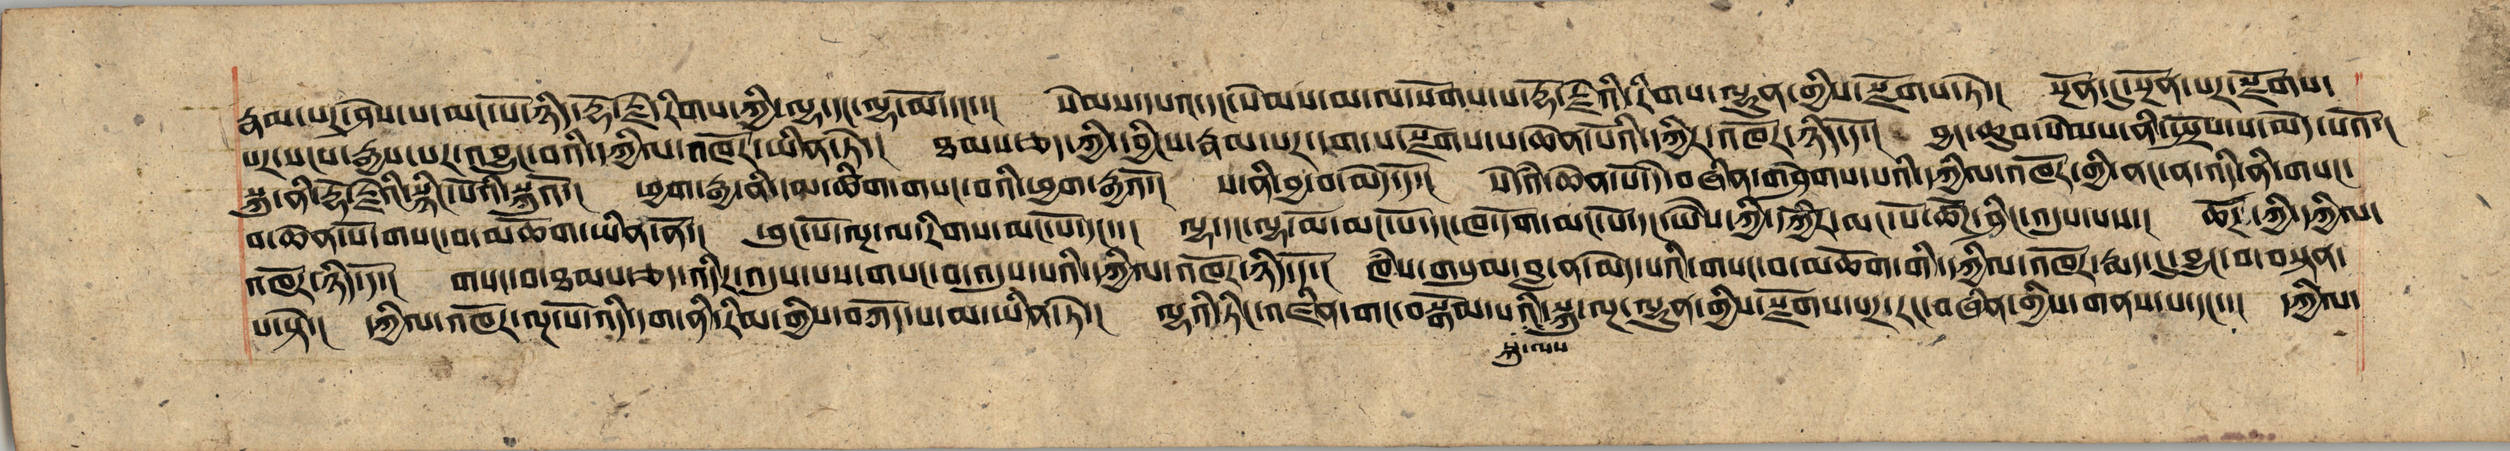རྣམ་པར་ཤེས་པ་མང་པོ་ཉིད་རྡོ་རྗེ་རིགས་ཀྱི་ལྷ་དང་ལྷ་མོ་དང་་། སེམས་དཔའ་དང་སེམས་མ་ལ་སོགས་་པ་རྡོ་རྗེའི་རིགས་ལྷུན་གྱིས་སྫོགས་ཏེ་། སྔོན་དུ་སྔོན་པར་སྫོགས་
པར་སངས་རྒྱས་པར་འབྱུང་བའི་དཀྱིལ་འཁོར་ཡིན་ཏེ་། ཐམས་ཅད་ཀྱི་དབྱིངས་རྣམ་པར་དག་པ་སྫོགས་པ་ཆེན་པོའི་དཀྱིལ་འཁོར་ཉིད་དོ་། བྱང་ཆུབ་སེམས་ནི་སྤྲོས་པ་མེད་པའོ་།
སྐུ་ནི་རྡོ་རྗེའི་སྙིང་པོའི་སྐུའོ་། ཕྱག་རྒྱ་ནི་དམ་ཚིག་གསང་བའི་ཕྱག་རྒྱའོ་། ས་ནི་བྱ་བ་མེད་དོ་། སེདཾའ་ཆེན་པོ་དེ་བཞིན་གཤེགས་པའི་དཀྱིལ་འཁོར་གྱི་ནང་ན་འདི་ནི་གསང་
བ་ཆེན་པོ་གསང་བ་མཆོག་ཡིན་ནོ་། ཕུང་པོ་ལྔ་ལ་རིགས་མང་པོ་དང་་། ལྷ་དང་ལྷ་མོ་མང་པོ་དང་ཁ་དོག་མང་པོ་དང་ཡཻས་ཀྱི་དཀྱོིར་མང་པོ་ཚོཌ་ཤིང་འདུས་པས་། ཚོཌ་ཀྱི་དཀྱིལ་
འཁོར་ཉིད་དོ་། གསང་བ་ཐམས་ཅད་འདིར་འདུས་པས་གསང་བ་འདུས་པའི་དཀྱིལ་འཁོར་ཉིད་དོ་། ཁཾས་གསུམ་བླ་ན་མེད་པའི་གསང་བ་མཆོག་གི་དཀྱིལ་འཁོར་རྨད་དུ་བྱུང་བ་བསྟན་
པ་སྟེ་། དཀྱིལ་འཁོར་ལྔ་པོ་འདི་དག་ནི་རིམ་གྱིས་བཀོད་པ་མ་ཡིན་ཏེ་། ལྷའི་ཏིང་འཛིན་གང་བསྒོམ་པའི་སྐུ་ལྔ་ལྷུན་གྱིས་སྫོགས་པར་རང་བཞིན་གྱིས་གནས་པ་དང་་། དཀྱིལ་